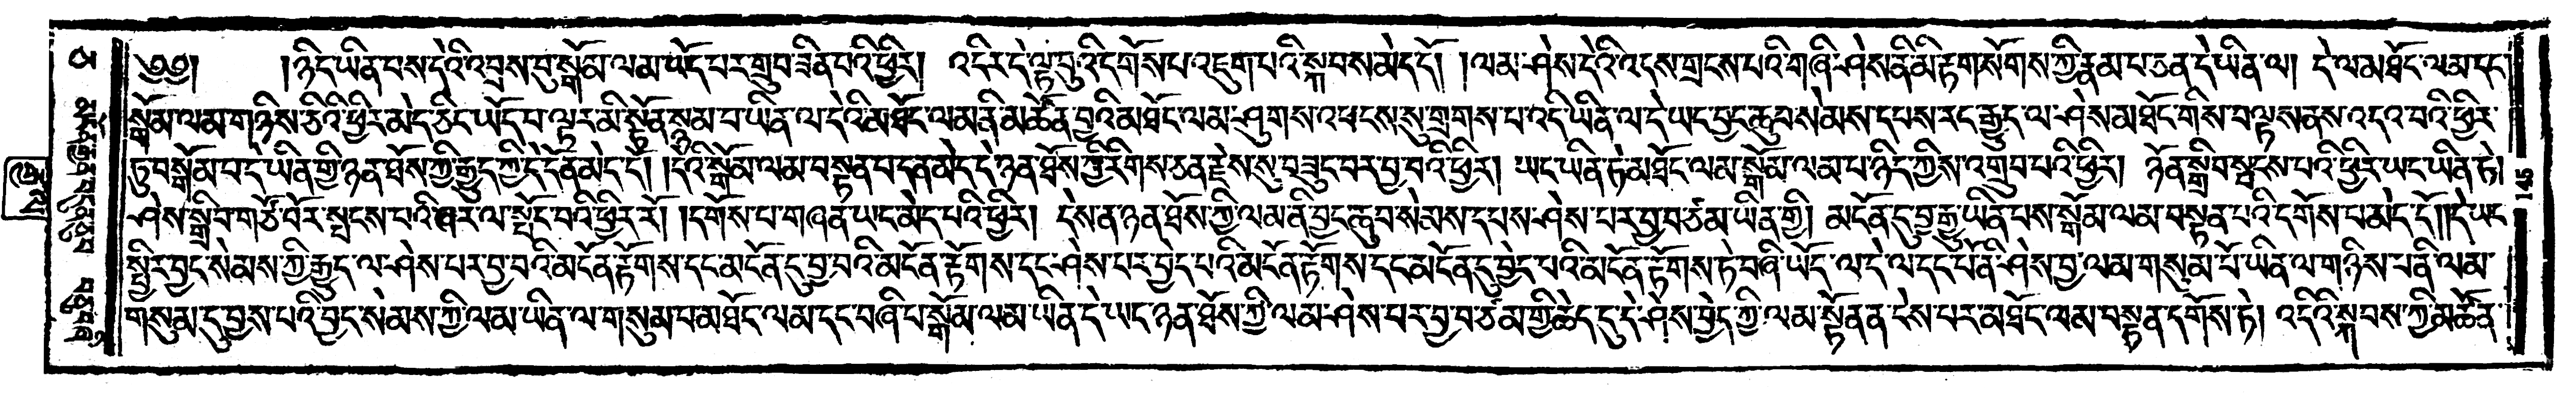༄༅། །ཉིད་ཡིན་པས་དེའི་འབྲས་བུ་སྒོམ་ལམ་ཡོད་པར་གྲུབ་ཟིན་པའི་ཕྱིར། འདིར་དེ་ལྟ་བུའི་དགོས་པ་འཇུག་པའི་སྐབས་མེད་དོ། །ལམ་ཤེས་དེའི་འདས་གྲངས་པའི་གཞི་ཤེས་ནི་མི་རྟག་སོགས་ཀྱི་རྣམ་པ་ཅན་དེ་ཡིན་ལ། དེ་ལ་མཐོང་ལམ་དང་
སྒོམ་ལམ་གཉིས་ཅིའི་ཕྱིར་མེད་ཅིང་ཡོད་པ་ལྟར་མི་སྟོན་སྙམ་པ་ཡིན་ལ་དེའི་མཐོང་ལམ་ནི་མཚོན་བྱའི་མཐོང་ལམ་ཤུགས་འཕངས་སུ་གྲགས་པ་འདི་ཡིན་ལ་དེ་ཡང་བྱང་ཆུབ་སེམས་དཔས་རང་རྒྱུད་ལ་ཤེས་མཐོང་གིས་བལྟས་ནས་འདའ་བའི་ཕྱིར་
ཏུ་བསྒོམ་པ་དེ་ཡིན་གྱི་ཉན་ཐོས་ཀྱི་རྒྱུད་ཀྱི་དེ་དོན་མེད་དོ། །དེའི་སྒོམ་ལམ་བསྟན་པ་དན་མེད་དེ་ཉན་ཐོས་ཀྱི་རིགས་ཅན་རྗེས་སུ་བཟུང་བར་བྱ་བའི་ཕྱིར། ཡང་ཡིན་ཏེ་མཐོང་ལམ་སྒོམ་ལམ་པ་ཉིད་ཀྱིས་འགྲུབ་པའི་ཕྱིར། ཉོན་སྒྲིབ་སྤངས་པའི་ཕྱིར་ཡང་ཡིན་ཏེ།
ཤེས་སྒྲིབ་གཙོ་བོར་སྤངས་པའི་ཞར་ལ་སྤོང་བའི་ཕྱིར་རོ། །དགོས་པ་གཞན་ཡང་མེད་པའི་ཕྱིར། དེས་ན་ཉན་ཐོས་ཀྱི་ལམ་ནི་བྱང་ཆུབ་སེམས་དཔས་ཤེས་པར་བྱ་བ་ཙམ་ཡིན་གྱི། མངོན་དུ་བྱ་རྒྱུ་ཡིན་པས་སྒོམ་ལམ་བསྟན་པའི་དགོས་པ་མེད་དོ། །དེ་ཡང་
སྤྱིར་བྱང་སེམས་ཀྱི་རྒྱུད་ལ་ཤེས་པར་བྱ་བའི་མངོན་རྟོགས་དང་མངོན་དུ་བྱ་བའི་མངོན་རྟོགས་དང་ཤེས་པར་བྱེད་པའི་མངོན་རྟོགས་དང་མངོན་དུ་བྱེད་པའི་མངོན་རྟོགས་ཏེ་བཞི་ཡོད་ལ་དེ་ལ་དང་པོ་ནི་ཤེས་བྱ་ལམ་གསུམ་པོ་ཡིན་ལ་གཉིས་པ་ནི་ལམ་
གསུམ་དུ་བྱས་པའི་བྱང་སེམས་ཀྱི་ལམ་ཡིན་ལ་གསུམ་པ་མཐོང་ལམ་དང་བཞི་པ་སྒོམ་ལམ་ཡིན་དེ་ཡང་ཉན་ཐོས་ཀྱི་ལམ་ཤེས་པར་བྱ་བ་ཙམ་གྱི་ཆེད་དུ་དེ་ཤེས་བྱེད་ཀྱི་ལམ་སྟོན་ན་ངེས་པར་མཐོང་ལམ་བསྟན་དགོས་ཏེ། འདིའི་སྐབས་ཀྱི་མཚོན་